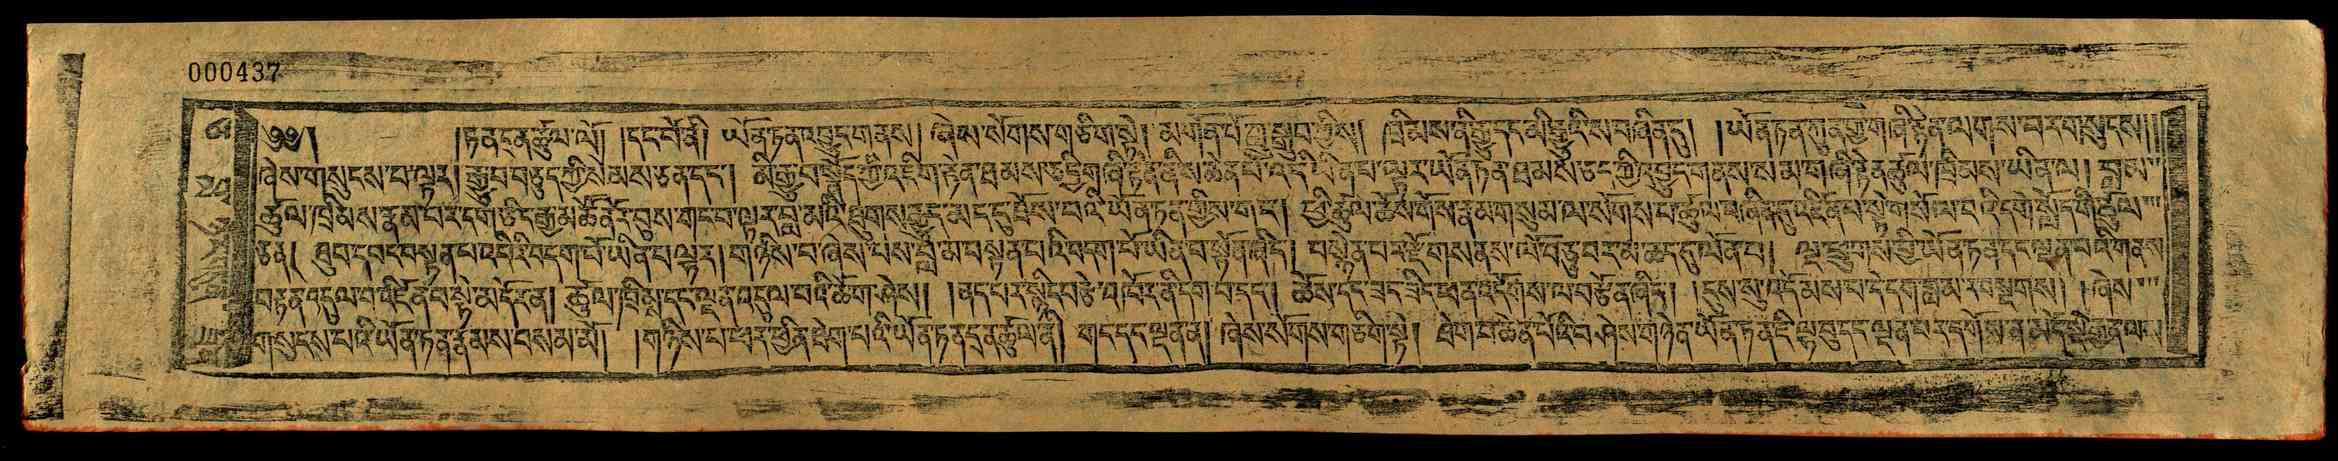༄༅། །ཏན་དྲན་ཚུལ་ལོ། །དང་པོ་ནི། ཡོན་ཏན་འབྱུང་གནས། ཞེས་སོགས་གཅིག་སྟེ། མགོན་པོ་ཀླུ་སྒྲུབ་ཀྱིས། ཁྲིམས་ནི་རྒྱུ་དང་མི་རྒྱུའི་ས་བཞིན་དུ། །ཡོན་ཏན་ཀུན་གྱི་གཞི་རྟེན་ལེགས་པར་གསུངས།
ཞེས་གསུངས་པ་ལྟར། རྒྱུ་བ་བཅུད་ཀྱི་སེམས་ཅན་དང་། མི་རྒྱུ་བ་སྣོད་ཀྱི་འཇིག་རྟེན་ཐམས་ཅད་ཡི་གཞི་རྟེན་ནི་ས་ཆེན་པོ་འདི་ཡིན་པ་ལྟར་ཡོན་ཏན་ཐམས་ཅད་ཀྱི་འབྱུང་གནས་སམ་གཞི་རྟེན་ཚུལ་ཁྲིམས་ཡིན་ལ། བླ་མ་
ཚུལ་ཁྲིམས་རྣམ་པར་དག་ཅིང་རྒྱ་མཚོ་ནོར་བུས་གང་བ་ལྟར་བླ་མའི་ཐུགས་རྒྱུད་མང་དུ་ཐོས་པའི་ཡོན་ཏན་གྱིས་གང་། ཕྱི་ཚུལ་ཆོས་གོས་རྣམ་གསུམ་ལ་སོགས་པ་ཚུལ་བཞིན་དུ་འཛིན་པ་སྟེ་གསོལ་བའི་དགེ་སློང་གི་ཚུལ་
ཅན༑ ཐུབ་དབང་བསྟན་པ་འདིའི་བདག་པོ་ཡིན་པ་ལྟར། གཉིས་པ་ཞེས་པས་བླ་མ་བསྟན་པའི་བདག་པོ་ཡིན་པ་སྟོན་ཞིང་། བསྙེན་པར་རྫོགས་ནས་ལོ་བཅུ་བར་མ་ཆད་དུ་ལོན་པ། ལྔ་ཕྲུགས་ཀྱི་ཡོན་ཏན་དང་ལྡན་པའི་གནས་
བརྟན་འདུལ་བ་འཛིན་པ་སྟེ་མདོར་ན། ཚུལ་ཁྲིམས་དང་ལྡན་འདུལ་བའི་ཆོག་ཤེས། །ནད་པར་སྙིང་བརྩེ་འཁོར་ནི་དག་པ་དང་། ཆོས་དང་ཟང་ཟིང་ཕན་འདོགས་ལ་བརྩོན་ཞིང་། །དུས་སུ་འདོམས་པ་དེ་དག་བླ་མར་བསྔགས། །ཞེས་
གསུངས་པའི་ཡོན་ཏན་རྣམས་བསམ་མོ། །གཉིས་པ་ཕར་ཕྱིན་ཐེག་པའི་ཡོན་ཏན་དྲན་ཚུལ་ནི། གང་དང་ལྡན་ན། ཞེས་སོགས་གཅིག་སྟེ། ཐེག་པ་ཆེན་པོའི་བཤེས་གཉེན་ཡོན་ཏན་ཇི་ལྟ་བུ་དང་ལྡན་པར་དགོས་ན་མདོ་སྡེ་རྒྱན་ལས།